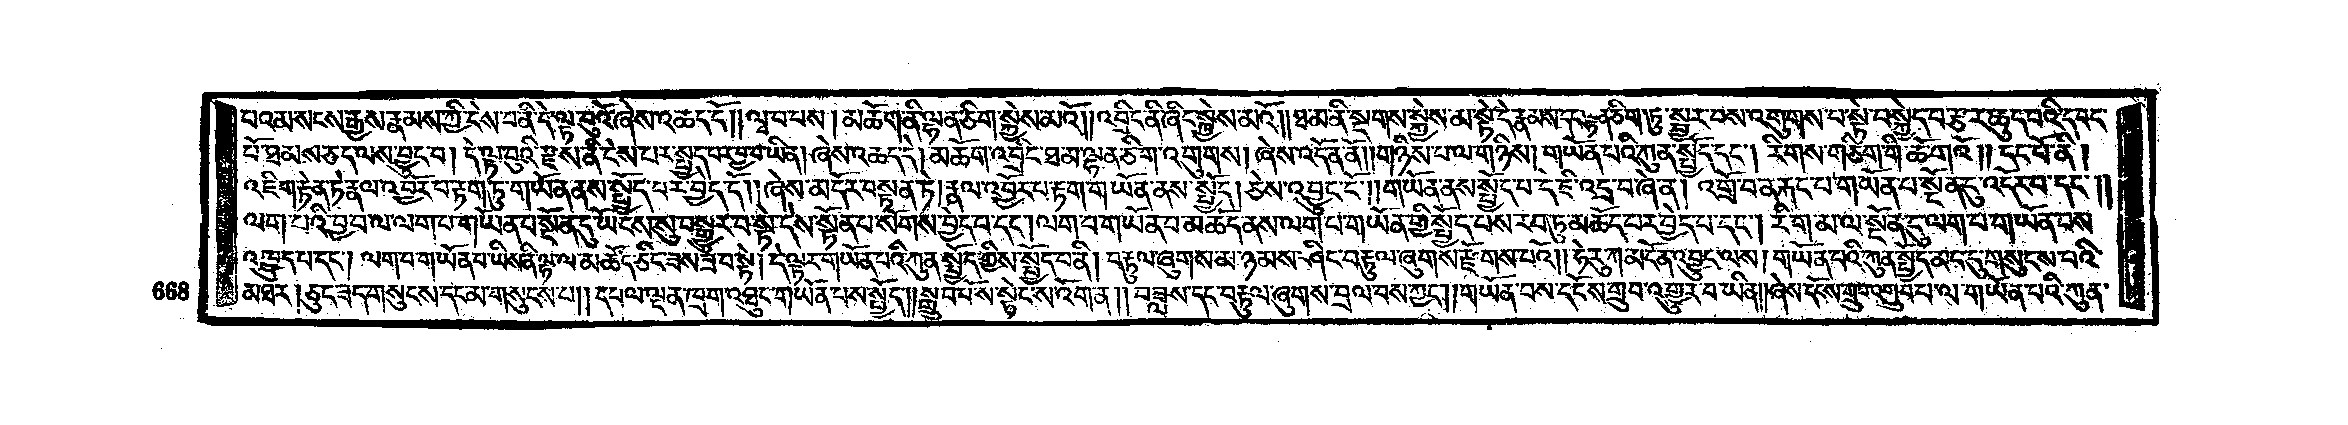པའམ་སངས་རྒྱས་རྣམས་ཀྱི་ངེས་པ་ནི་དེ་ལྟ་བུའོ་ཞེས་འཆད་དོ། །ལྭ་བ་པས། མཆོག་ནི་ལྷན་ཅིག་སྐྱེས་མའོ། །འབྲིང་ནི་ཞིང་སྐྱེས་མའོ། །ཐ་མ་ནི་སྔགས་སྐྱེས་མ་སྟེ་དེ་རྣམས་དང་ལྷན་ཅིག་ཏུ་སྦྱར་བས་འགུགས་པ་སྟེ་བསྐྱེད་པ་རྩར་ཆུད་པའི་དབང་
པོ་ཐམས་ཅད་ལས་བྱུང་བ། དེ་ལྟ་བུའི་རྫས་ནི་ངེས་པར་སྤྱད་པར་བྱ་བ་ཡིན། ཞེས་འཆད་དེ། མཆོག་འབྲིང་ཐ་མ་ལྷན་ཅིག་འགུགས། ཞེས་འདོན་ནོ། །གཉིས་པ་ལ་གཉིས། གཡོན་པའི་ཀུན་སྤྱོད་དང་། རིགས་གཅིག་གི་ཆོ་གའོ། །དང་པོ་ནི།
འཇིག་རྟེན་ཏེ་རྣལ་འབྱོར་པ་རྟག་ཏུ་གཡོན་ནས་སྤྱོད་པར་བྱེད་དོ། །ཞེས་མདོར་བསྟན་ཏེ། རྣལ་འབྱོར་པ་རྟག་གཡོན་ནས་སྤྱོད། ཅེས་འབྱུང་ངོ། །གཡོན་ནས་སྤྱོད་པ་དེ་ཇི་འདྲ་བ་ཞེ་ན། འགྲོ་བ་ན་རྐང་པ་གཡོན་པ་སྔོན་དུ་འདེར་བ་དང་། །
ལག་པའི་བྱ་བ་ལ་ལག་པ་གཡོན་པ་སྔོན་དུ་ཡོངས་སུ་བསྒྱུར་བ་སྟེ་དེས་སྟོན་པ་སོགས་བྱེད་པ་དང་། ལག་པ་གཡོན་པ་མཆོད་ནས་ལག་པ་གཡོན་གྱི་སྤྱོད་པས་རབ་ཏུ་མཆེད་པར་བྱེད་པ་དང་། རིག་མ་ལ་སྔོན་དུ་ལག་པ་གཡོན་པས་
འཁྱུད་པ་དང་། ལག་པ་གཡོན་པ་ཡིས་ནི་ལྷ་ལ་མཆོད་ཅིང་ཟས་ཟ་བ་སྟེ། དེ་ལྟར་གཡོན་པའི་ཀུན་སྤྱོད་ཀྱིས་སྤྱོད་པ་ནི། བརྟུལ་ཞུགས་མ་ཉམས་ཤིང་བརྟུལ་ཞུགས་རྫོགས་པའོ། །ཧེ་རུ་ཀ་མངོན་འབྱུང་ལས། གཡོན་པའི་ཀུན་སྤྱོད་མང་དུ་གསུངས་པའི་
མཐར། ཅུང་ཟད་གསུངས་དང་མ་གསུངས་པ། །དཔལ་ལྡན་ཁྲག་འཐུང་གཡོན་པས་སྤྱོད། །སྒྲུབ་པོ་ས་སྟེང་ས་འོག་ན། །བཟླས་དང་བརྟུལ་ཞུགས་བྲལ་བས་ཀྱང་། །གཡོན་པས་དངོས་གྲུབ་འགྱུར་བ་ཡིན། །ཞེས་དངོས་གྲུབ་འགྲུབ་པ་ལ་གཡོན་པའི་ཀུན་